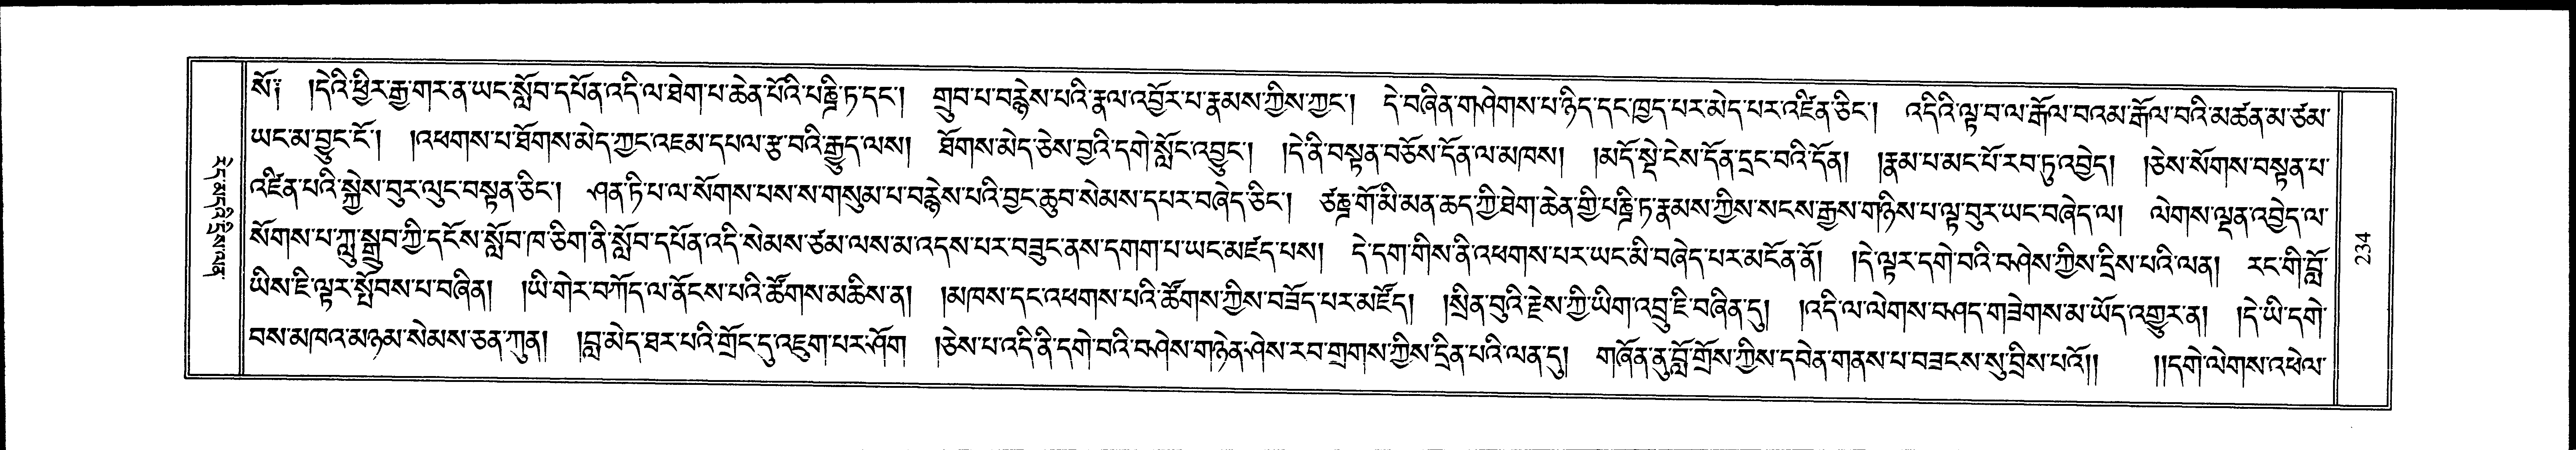སོ། །དེའི་ཕྱིར་རྒྱ་གར་ན་ཡང་སློབ་དཔོན་འདི་ལ་ཐེག་པ་ཆེན་པོའི་པཎྜི་ཏ་དང་། གྲུབ་པ་བརྙེས་པའི་རྣལ་འབྱོར་པ་རྣམས་ཀྱིས་ཀྱང་། དེ་བཞིན་གཤེགས་པ་ཉིད་དང་ཁྱད་པར་མེད་པར་འཛིན་ཅིང་། འདིའི་ལྟ་བ་ལ་རྒོལ་བའམ་རྒོལ་བའི་མཚན་མ་ཙམ་
ཡང་མ་བྱུང་ངོ། །འཕགས་པ་ཐོགས་མེད་ཀྱང་འཇམ་དཔལ་རྩ་བའི་རྒྱུད་ལས། ཐོགས་མེད་ཅེས་བྱའི་དགེ་སློང་འབྱུང་། །དེ་ནི་བསྟན་བཅོས་དོན་ལ་མཁས། །མདོ་སྡེ་ངེས་དོན་དྲང་བའི་དོན། །རྣམ་པ་མང་པོ་རབ་ཏུ་འབྱེད། །ཅེས་སོགས་བསྟན་པ་
འཛིན་པའི་སྐྱེས་བུར་ལུང་བསྟན་ཅིང་། ཤན་ཏི་པ་ལ་སོགས་པས་ས་གསུམ་པ་བརྙེས་པའི་བྱང་ཆུབ་སེམས་དཔར་བཞེད་ཅིང་། ཙཎྜ་གོ་མི་མན་ཆད་ཀྱི་ཐེག་ཆེན་གྱི་པཎྜི་ཏ་རྣམས་ཀྱིས་སངས་རྒྱས་གཉིས་པ་ལྟ་བུར་ཡང་བཞེད་ལ། ལེགས་ལྡན་འབྱེད་ལ་
སོགས་པ་ཀླུ་སྒྲུབ་ཀྱི་དངོས་སློབ་ཁ་ཅིག་ནི་སློབ་དཔོན་འདི་སེམས་ཙམ་ལས་མ་འདས་པར་བཟུང་ནས་དགག་པ་ཡང་མཛད་པས། དེ་དག་གིས་ནི་འཕགས་པར་ཡང་མི་བཞེད་པར་མངོན་ནོ། །དེ་ལྟར་དགེ་བའི་བཤེས་ཀྱིས་དྲིས་པའི་ལན། རང་གི་བློ་
ཡིས་ཇི་ལྟར་སྤོབས་པ་བཞིན། །ཡི་གེར་བཀོད་ལ་ནོངས་པའི་ཚོགས་མཆིས་ན། །མཁས་དང་འཕགས་པའི་ཚོགས་ཀྱིས་བཟོད་པར་མཛོད། །སྲིན་བུའི་རྗེས་ཀྱི་ཡིག་འབྲུ་ཇི་བཞིན་དུ། །འདི་ལ་ལེགས་བཤད་གཟེགས་མ་ཡོད་འགྱུར་ན། །དེ་ཡི་དགེ་
བས་མཁའ་མཉམ་སེམས་ཅན་ཀུན། །བླ་མེད་ཐར་པའི་གྲོང་དུ་འཇུག་པར་ཤོག །ཅེས་པ་འདི་ནི་དགེ་བའི་བཤེས་གཉེན་ཤེས་རབ་གྲགས་ཀྱིས་དྲིན་པའི་ལན་དུ། །གཞོན་ནུ་བློ་གྲོས་ཀྱིས་དབེན་གནས་པ་བཟངས་སུ་བྲིས་པའོ།། །།དགེ་ལེགས་འཕེལ་